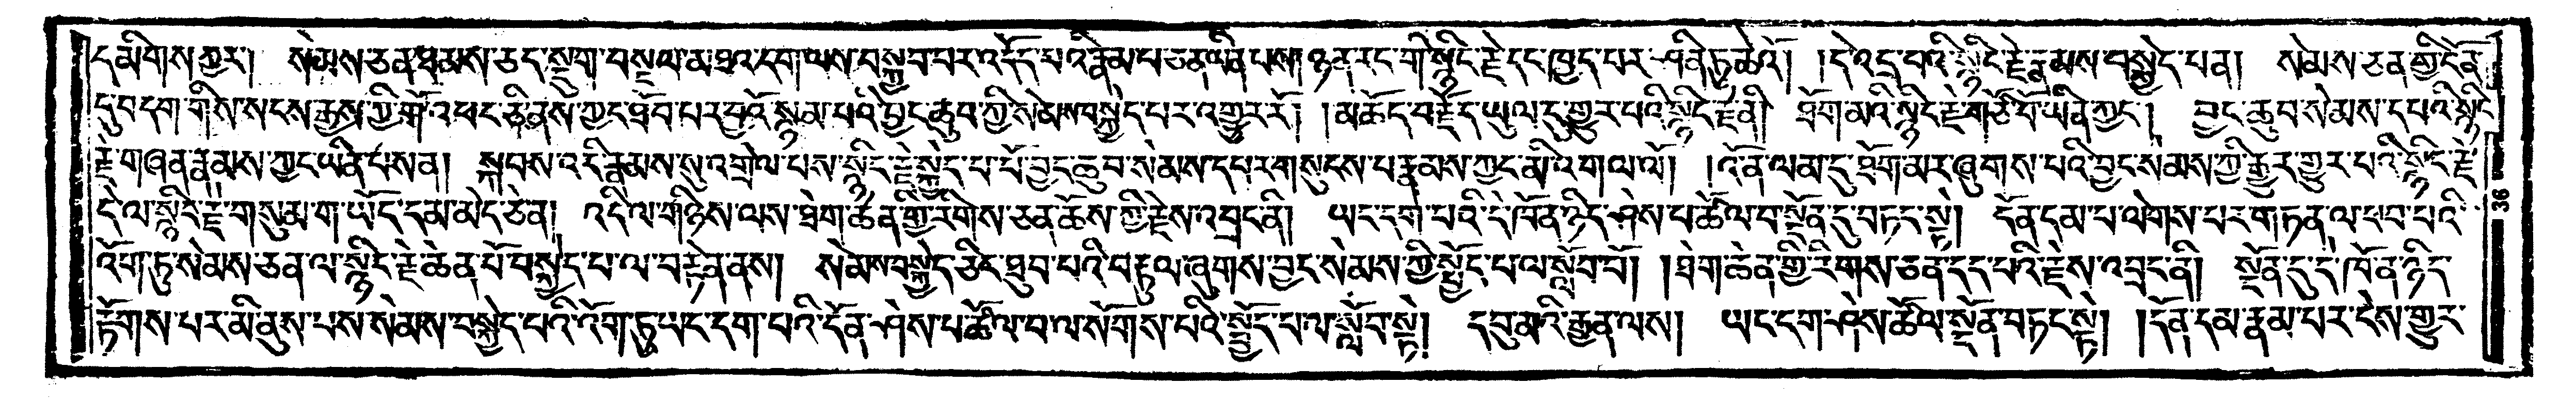དམིགས་ཀྱང་། སེམས་ཅན་ཐམས་ཅད་སྡུག་བསྔལ་མཐའ་དག་ལས་བསྐྱབ་པར་འདོད་པའི་རྣམ་པ་ཅན་ཡིན་པས། ཉན་རང་གི་སྙིང་རྗེ་དང་ཁྱད་པར་ཤིན་ཏུ་ཆེའོ། །དེ་འདྲ་བའི་སྙིང་རྗེ་རྣམས་བསྐྱེད་པ་ན། སེམས་ཅན་གྱི་དོན་
དུ་བདག་གིས་སངས་རྒྱས་ཀྱི་གོ་འཕང་ཅི་ནས་ཀྱང་ཐོབ་པར་བྱའོ་སྙམ་པའི་བྱང་ཆུབ་ཀྱི་སེམས་བསྐྱེད་པར་འགྱུར་རོ། །མཆོད་བརྗོད་ཡུལ་དུ་གྱུར་པའི་སྙིང་རྗེ་ནི། ཐོག་མའི་སྙིང་རྗེ་གཙོ་བོ་ཡིན་ཀྱང་། བྱང་ཆུབ་སེམས་དཔའི་སྙིང་
རྗེ་གཞན་རྣམས་ཀྱང་ཡིན་པས་ན། སྐབས་འདི་རྣམས་སུ་འགྲེལ་པས་སྙིང་རྗེ་སྐྱེད་པ་པོ་བྱང་ཆུབ་སེམས་དཔར་གསུངས་པ་རྣམས་ཀྱང་མི་འགལ་ལོ། །འོ་ན་ལམ་དུ་ཐོག་མར་ཞུགས་པའི་བྱང་སེམས་ཀྱི་རྒྱུར་གྱུར་པའི་སྙིང་རྗེ་
དེ་ལ་སྙིང་རྗེ་གསུམ་ག་ཡོད་དམ་མེད་ཅེ་ན། འདི་ལ་གཉིས་ལས་ཐེག་ཆེན་གྱི་རིགས་ཅན་ཆོས་ཀྱི་རྗེས་འབྲང་ནི། ཡང་དག་པའི་དེ་ཁོ་ན་ཉིད་ཤེས་པ་ཚོལ་བ་སྔོན་དུ་བཏང་སྟེ། དོན་དམ་པ་ལེགས་པར་གཏན་ལ་ཕབ་པའི་
འོག་ཏུ་སེམས་ཅན་ལ་སྙིང་རྗེ་ཆེན་པོ་བསྐྱེད་པ་ལ་བརྟེན་ནས། སེམས་བསྐྱེད་ཅིང་ཐུབ་པའི་བརྟུལ་ཞུགས་བྱང་སེམས་ཀྱི་སྤྱོད་པ་ལ་སློབ་བོ། །ཐེག་ཆེན་གྱི་རིགས་ཅན་དད་པའི་རྗེས་འབྲང་ནི། སྔོན་དུ་དེ་ཁོ་ན་ཉིད་
རྟོགས་པར་མི་ནུས་པས་སེམས་བསྐྱེད་པའི་འོག་ཏུ་ཡང་དག་པའི་དོན་ཤེས་པ་ཚོལ་བ་ལ་སོགས་པའི་སྤྱོད་པ་ལ་སློབ་སྟེ། དབུ་མའི་རྒྱན་ལས། ཡང་དག་ཤེས་ཚོལ་སྔོན་བཏང་སྟེ། །དོན་དམ་རྣམ་པར་ངེས་གྱུར་